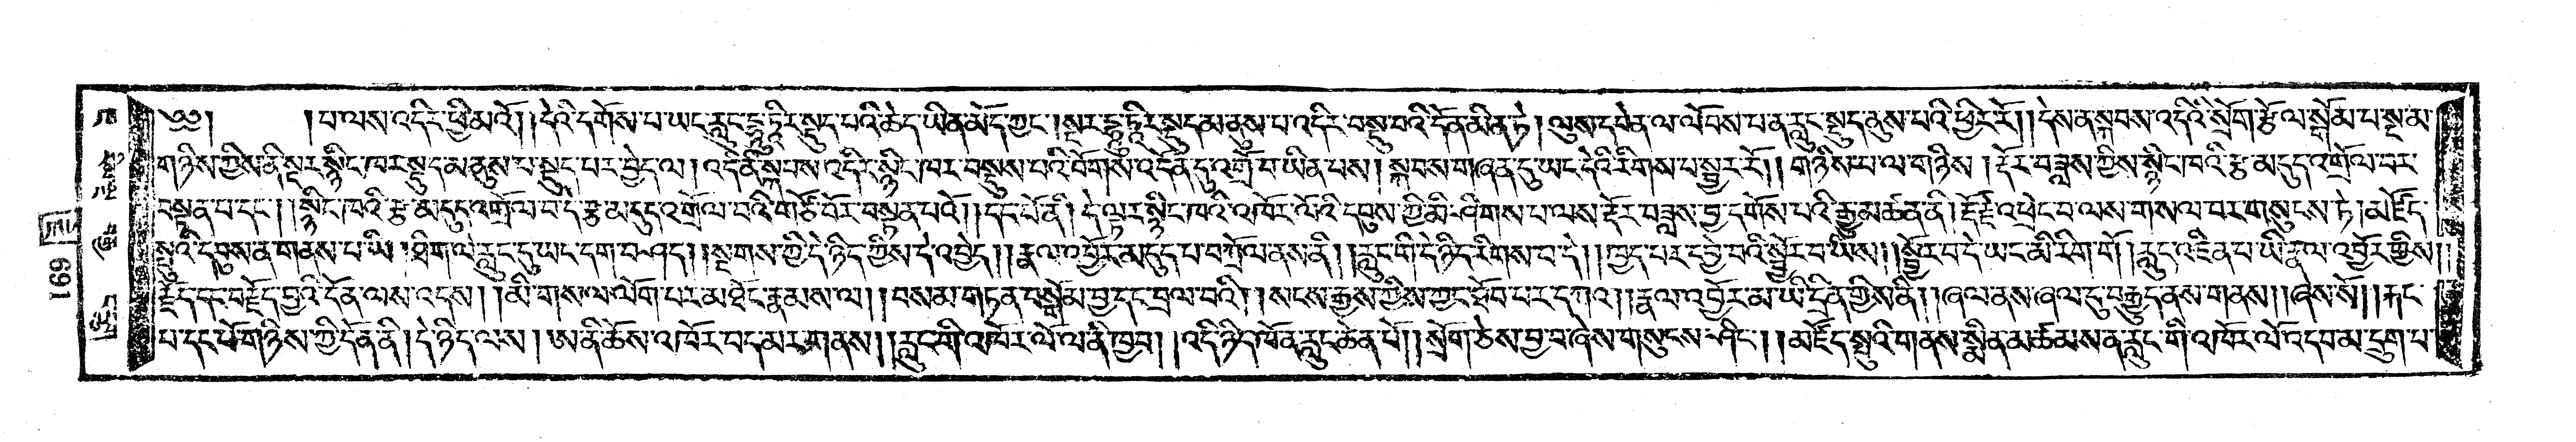༄༅། །པ་ལས་འདིར་ཕྱི་མའོ། །དེའི་དགོས་པ་ཡང་རླུང་དྷཱུ་ཏཱིར་སྡུད་པའི་ཆེད་ཡིན་མོད་ཀྱང་།སྔར་དྷཱུ་ཏཱིར་སྡུད་མ་ནུས་པ་འདིར་བསྡུ་བའི་དོན་མིན་ཏེ། ལུས་དབེན་ལ་ལོབས་པ་ན་རླུང་སྡུད་ནུས་པའི་ཕྱིར་རོ། །དེས་ན་སྐབས་འདིའི་སྲོག་རྩོལ་སྒོམ་པ་སྔ་མ་
གཉིས་ཀྱིས་ནི་སྔར་སྙིང་ཁར་སྡུད་མ་ནུས་པ་སྡུད་པར་བྱེད་ལ། འདི་ནི་སྐབས་འདིར་སྙིང་ཁར་བསྡུས་པའི་བོགས་འདོན་དུ་འགྲོ་བ་ཡིན་པས། སྐབས་གཞན་དུ་ཡང་དེའི་རིགས་པ་སྦྱར་རོ། །གཉིས་པ་ལ་གཉིས་།རྡོར་བཟླས་ཀྱིས་སྙིང་ཁའི་རྩ་མདུད་འགྲོལ་བར་
བསྟན་པ་དང་། །སྙིང་ཁའི་རྩ་བདུད་འགྲོལ་བ་དེ་རྩ་མདུད་འགྲོལ་བའི་གཙོ་བོར་བསྟན་པའོ། །དང་པོ་ནི། དེ་ལྟར་སྙིང་ཁའི་འཁོར་ལོའི་དབུས་ཀྱི་མི་ཤིགས་པ་ལས་རྡོར་བཟླས་བྱ་དགོས་པའི་རྒྱུ་མཚན་ནི། རྡོ་རྗེ་འཕྲེང་བ་ལས་གསལ་བར་གསུངས་ཏེ། མཛོད་
སྤུའི་དབུས་ན་གནས་པ་ནི། །ཐིག་ལེ་རླུང་དུ་ཡང་དག་བཤད། །སྔགས་ཀྱི་དེ་ཉིད་ཀྱིས་དེ་འབྱེད། །རྣལ་འབྱོར་མདུད་པ་བཀྲོལ་ནས་ནི། །རླུང་གི་དེ་ཉིད་རིགས་པ་དེ། །ཁྱད་པར་དབྱེ་བའི་སྦྱོར་བ་ཡིས། །སྦྱོར་བ་དེ་ཡང་མི་རིག་གོ །རླུང་འཛིན་པ་ཡི་རྣལ་འབྱོར་གྱིས། །
རྗོད་དང་བརྗོད་བྱའི་དོན་ལས་འདས། །མི་གསལ་ལོག་པར་མཐོང་རྣམས་ལ། །བསམ་གཏན་བསྒོམ་བྱ་དང་བྲལ་བའི། །སངས་རྒྱས་ཀྱིས་ཀྱང་ཐོབ་པར་དཀའ། །རྣལ་འབྱོར་མ་ཡི་དྲིན་གྱིས་ནི། །ཞལ་ནས་ཞལ་དུ་བརྒྱུད་ནས་གནས། །ཞེས་སོ། །རྐང་
པ་དང་པོ་གཉིས་ཀྱི་དོན་ནི། དེ་ཉིད་ལས། ཨ་ནི་ཆོས་འཁོར་པད་མར་གནས། །རླུང་གི་འཁོར་ལོ་ལ་ནི་ཁྱབ། །འདི་ཉིད་ཁོ་ན་རླུང་ཆེན་པོ། །སྲོག་ཅེས་བྱ་བ་ཞེས་གསུངས་ཤིང་། །མཛོད་སྤུའི་གནས་སྨིན་མཚམས་ན་རླུང་གི་འཁོར་ལོ་འདབ་མ་དྲུག་པ་